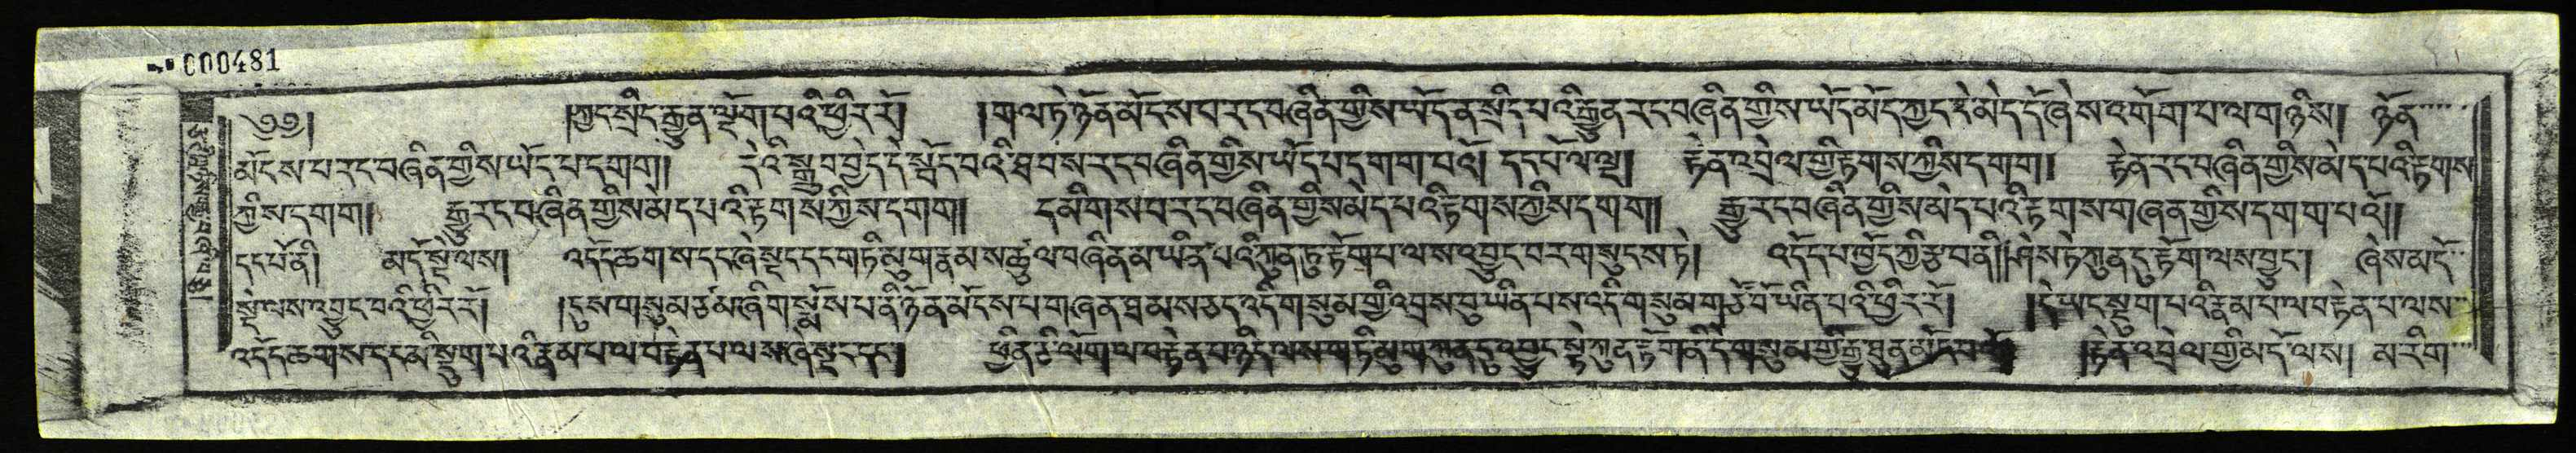༄༅། །ཀྱང་སྲིད་རྒྱུན་ལྡོག་པའི་ཕྱིར་རོ། །གལ་ཏེ་ཉོན་མོངས་པ་རང་བཞིན་གྱིས་ཡོད་ན་སྲིད་པའི་རྒྱུན་རང་བཞིན་གྱིས་ཡོད་མོད་ཀྱང་དེ་མེད་དོ་ཞེས་འགོག་པ་ལ་གཉིས། ཉོན་
མོངས་པ་རང་བཞིན་གྱིས་ཡོད་པ་དགག། དེའི་སྒྲུབ་བྱེད་དེ་སྤོང་བའི་ཐབས་རང་བཞིན་གྱིས་ཡོད་པ་དགག་པའོ། དང་པོ་ལ་ལྔ། རྟེན་འབྲེལ་གྱི་རྟགས་ཀྱིས་དགག། རྟེན་རང་བཞིན་གྱིས་མེད་པའི་རྟགས་
ཀྱིས་དགག། རྒྱུ་རང་བཞིན་གྱིས་མེད་པའི་རྟགས་ཀྱིས་དགག། དམིགས་པ་རང་བཞིན་གྱིས་མེད་པའི་རྟགས་ཀྱིས་དགག། རྒྱུ་རང་བཞིན་གྱིས་མེད་པའི་རྟགས་གཞན་གྱིས་དགག་པའོ།།
དང་པོ་ནི། མདོ་སྡེ་ལས། འདོད་ཆགས་དང་ཞེ་སྡང་དང་གཏི་མུག་རྣམས་ཚུལ་བཞིན་མ་ཡིན་པའི་ཀུན་ཏུ་རྟོག་པ་ལས་འབྱུང་བར་གསུངས་ཏེ། འདོད་པ་ཁྱོད་ཀྱི་རྩ་བ་ནི། །ཤེས་ཏེ་ཀུན་དུ་རྟོག་ལས་བྱུང་། ཞེས་མདོ་
སྡེ་ལས་འབྱུང་བའི་ཕྱིར་རོ། །དུས་གསུམ་ཙམ་ཞིག་སྨོས་པ་ནི་ཉོན་མོངས་པ་གཞན་ཐམས་ཅད་འདི་གསུམ་གྱི་འབྲས་བུ་ཡིན་པས་འདི་གསུམ་གཙོ་བོ་ཡིན་པའི་ཕྱིར་རོ། །དེ་ཡང་སྡུག་པའི་རྣམ་པ་ལ་བརྟེན་པ་ལས་
འདོད་ཆགས་དང་མི་སྡུག་པའི་རྣམ་པ་ལ་བརྟེན་པ་ལས་ཞེ་སྡང་དང་། ཕྱིན་ཅི་ལོག་ལ་བརྟེན་པ་ཉིད་ལས་གཏི་མུག་ཀུན་དུ་འབྱུང་སྟེ་ཀུན་རྟོག་ནི་དེ་གསུམ་གྱི་རྒྱུ་ཐུན་མོང་པའོ། །རྟེན་འབྲེལ་གྱི་མདོ་ལས། མ་རིག་